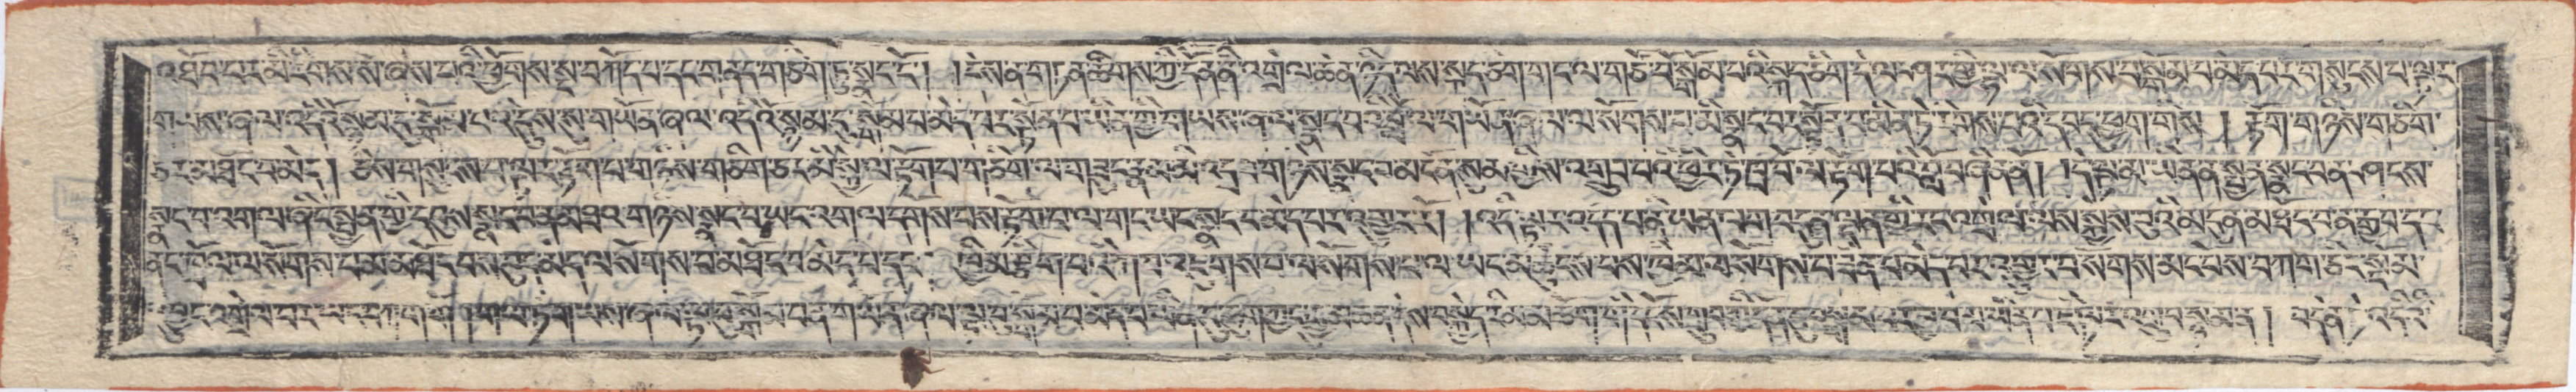འཐོབ་པར་མི་རིགས་སོ་ཞེས་པའི་ཕྱོགས་སྔ་བཀོད་པ་དང་གནད་གཅིག་ཏུ་སྣང་ངོ། །དེས་ན་གཏན་ཚིགས་ཀྱི་དོན་ནི་འགྲེལ་ཆེན་ཉིད་ལས་སྐད་ཅིག་གང་ལ་གཙོ་བོ་སྒོམ་པའི་སྐད་ཅིག་དེ་ལ་ཤར་གྱི་ལྷ་ལ་སོགས་པ་སྒོམ་པ་མེད་པར་གསུངས་པ་ལྟར་
གཡས་ཞལ་འདིའོ་སྙམ་དུ་སྒོམ་པའི་དུས་སུ་གཡོན་ཞལ་འདིའོ་སྙམ་དུ་སྒོམ་པ་མེད་པར་སྟོན་པ་ཡིན་གྱི་གཡས་ཞལ་སྣང་བའི་བློ་ལ་གཡོན་ཞལ་ལ་སོགས་པ་མི་སྣང་བར་སྟོན་པ་མིན་ཏེ་རིགས་པའི་དབང་ཕྱུག་གིས། རྟོག་གཉིས་གཅིག་
ཅར་མཐོང་བ་མེད། ཅེས་གསུངས་པ་ལྟར་རྟོག་པ་གཉིས་གཅིག་ཅར་མི་སྐྱེ་ལ་རྟོག་པ་གཅིག་ལ་གཟུང་རྣམ་མི་འདྲ་བ་གཉིས་སྣང་བ་མངོན་སུམ་གྱིས་འགྲུབ་པའི་ཕྱིར་ཏེ་ཁྲ་བོ་ལ་རྟོག་པའི་བློ་བཞིན་ནོ། །དེ་ལྟ་མ་ཡིན་ན་སྤྱན་སྣང་བ་ན་ཤངས་
སྣང་བ་འགལ་ཞིང་སྤྱན་གྱི་དབུས་སྣང་བ་ན་མཐའ་གཉིས་སྣང་བ་ཡང་འགལ་དགོས་པས་རྟོག་པ་ལ་གང་ཡང་སྣང་བ་མེད་པར་འགྱུར་རོ། །འདི་ལྟར་འདོད་པ་ནི་ཡན་ལག་བདུན་ལྡན་གྱི་རང་འགྲེལ་ལས་སྐྱེས་བུའི་མདུན་མཐོང་བ་ན་རྒྱབ་དང་
ནང་ཁྲོལ་ལ་སོགས་པ་མ་མཐོང་བས་བུད་མེད་ལ་སོགས་པ་མཐོང་བ་མེད་པ་དང་། ཁྱིམ་རྩིག་པའི་ཀ་བ་འཇུགས་པ་ལ་སོགས་པ་ལ་ཡང་མཚུངས་པས་ཁྱིམ་ལ་སོགས་པ་ཟིན་པ་མེད་པར་འགྱུར་བ་སོགས་མང་པོས་བཀག་ཅིང་སྡོམ་
འབྱུང་འགྲེལ་པར་ཡང་བཀག་གོ །གལ་ཏེ་གཡས་ཞལ་ལྟ་བུ་སྒོམ་པ་ན་གཡོན་ཞལ་ལྟ་བུ་སྒོམ་པ་མེད་པ་ཡིན་དུ་ཆུག་ཀྱང་རྒྱུ་མཚན་དེས་བསྐྱེད་རིམ་མཆོག་གི་དངོས་གྲུབ་ཀྱི་དོན་དུ་བསྒོམ་པར་བྱ་བ་མ་ཡིན་པ་ཇི་ལྟར་འགྲུབ་སྙམ་ན། བདེན་ཏེ་འདིའི་